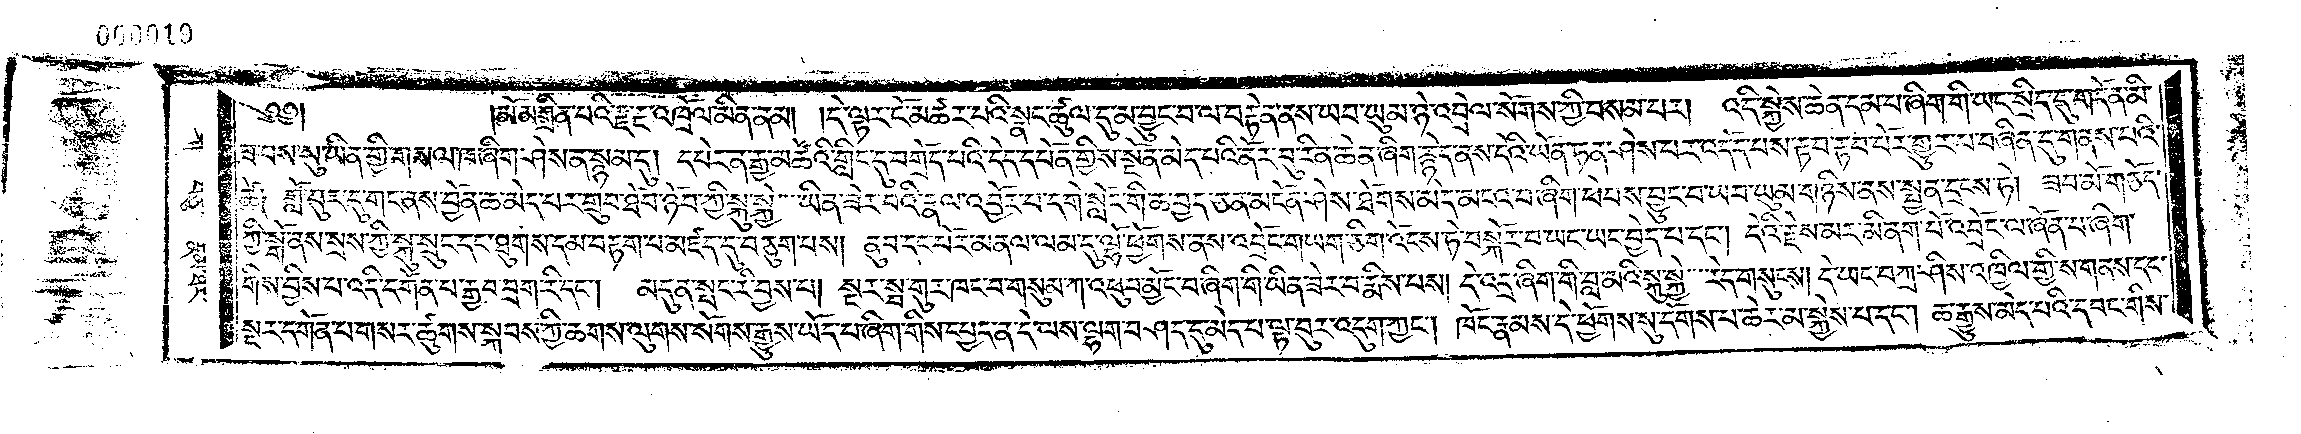༄༅། །མོ་མགྲིན་པའི་རྫ་རྔ་འཁྲོལ་མིན་ནམ། །དེ་ལྟར་ངོ་མཚར་པའི་སྣང་ཚུལ་དུ་མ་བྱུང་བ་ལ་བརྟེན་ནས་ཡབ་ཡུམ་ཉེ་འབྲེལ་སོགས་ཀྱི་བསམ་པར། འདི་སྐྱེས་ཆེན་དམ་པ་ཞིག་གི་ཡང་སྲིད་དུ་གདོན་མི་
ཟ་བས་སུ་ཡིན་གྱི་གསལ་ཁ་ཞིག་ཤེས་ན་སྙམ་དུ། དཔེར་ན་རྒྱ་མཚོའི་གླིང་དུ་བགྲོད་པའི་དེད་དཔོན་གྱིས་སྔོན་མེད་པའི་ནོར་བུ་རིན་ཆེན་ཞིག་རྙེད་ནས་དེའི་ཡོན་ཏན་ཤེས་པར་འདོད་པས་རྟབ་རྟབ་པོར་གྱུར་བ་བཞིན་དུ་གནས་པའི་
ཚེ༑ གློ་བུར་དུ་གང་ནས་བྱོན་ཆ་མེད་པར་གྲུབ་ཐོབ་ཉོབ་ཀྱི་སྐུ་སྐྱེ་ཡིན་ཟེར་བའི་རྣལ་འབྱོར་བ་དགེ་སློང་གི་ཆ་བྱད་ཅན་མངོན་ཤེས་ཐོགས་མེད་མངའ་བ་ཞིག་ཕེབས་བྱུང་བ་ཡབ་ཡུམ་གཉིས་ནས་སྤྱན་དྲངས་ཏེ། ཟབ་མོ་གཅོད་
ཀྱི་སྒོ་ནས་སྲས་ཀྱི་སྐུ་སྲུང་དང་ཐུགས་དམ་བརྟག་པ་མཛད་དུ་བཅུག་པས། ནུབ་དང་པོར་མནལ་ལམ་དུ་ལྷོ་ཕྱོགས་ནས་འབྲོང་གཡག་ཅིག་འོངས་ཏེ་བསྐོར་བ་ཡང་ཡང་བྱེད་པ་དང་། དེའི་རྗེས་མར་མི་ནག་པོ་འབྲོང་ལ་ཞོན་པ་ཞིག་
གིས་བྱིས་པ་འདི་དགོན་པ་རྒྱབ་བྲག་རི་དང་། མདུན་སྤང་རི་བྱས་པ། སྔར་སྤ་གུར་ཁང་བ་གསུམ་ཀ་འཕུབ་མྱོང་བ་ཞིག་གི་ཡིན་ཟེར་བ་རྨིས་པས། དེ་འདྲ་ཞིག་གི་བླ་མའི་སྐུ་སྐྱེ་རེད་གསུངས། དེ་ཡང་བཀྲ་ཤིས་འཁྱིལ་གྱིས་གནས་དང་
སྔར་དགོན་པ་གསར་ཚུགས་སྐབས་ཀྱི་ཆགས་ལུགས་སོགས་རྒྱུས་ཡོད་པ་ཞིག་གིས་དཔྱད་ན་དེ་ལས་ལྷག་བཤད་དུ་མེད་པ་ལྟ་བུར་འདུག་ཀྱང་། ཁོང་རྣམས་དེ་ཕྱོགས་སུ་དོགས་པ་ཆེར་མ་སྐྱེས་པ་དང་། ཆ་རྒྱུས་མེད་པའི་དབང་གིས་